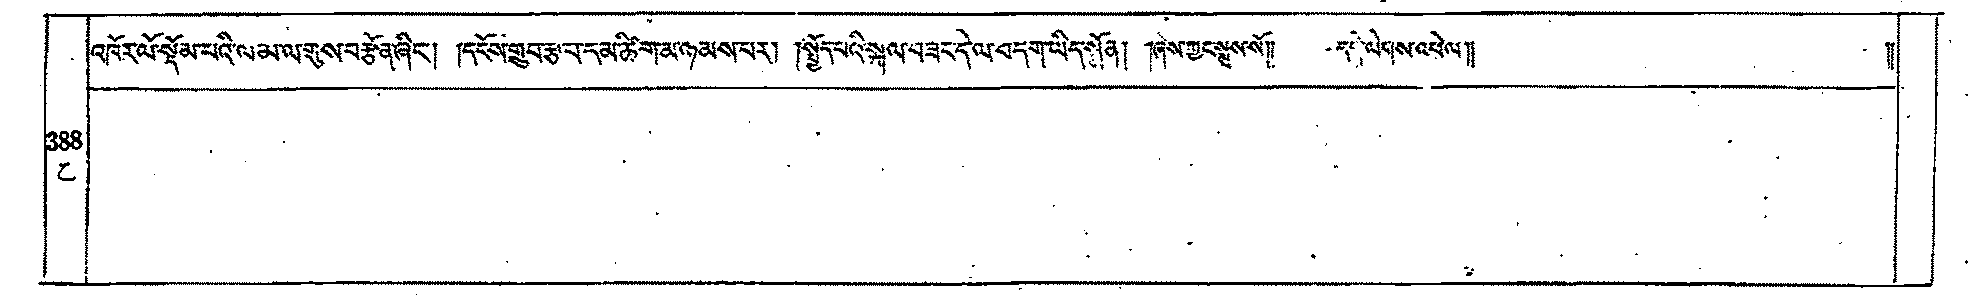འཁོར་ལོ་སྡོམ་པའི་ལམ་ལ་གུས་བརྩོན་ཞིང་། །དངོས་གྲུབ་རྩ་བ་དམ་ཚིག་མ་ཉམས་པར། །སྤྱོད་པའི་སྐལ་བཟང་དེ་ལ་བདག་ཡིད་སྨོན། །ཞེས་ཀྱང་སྨྲས་སོ།། དགེ་ལེགས་འཕེལ།།